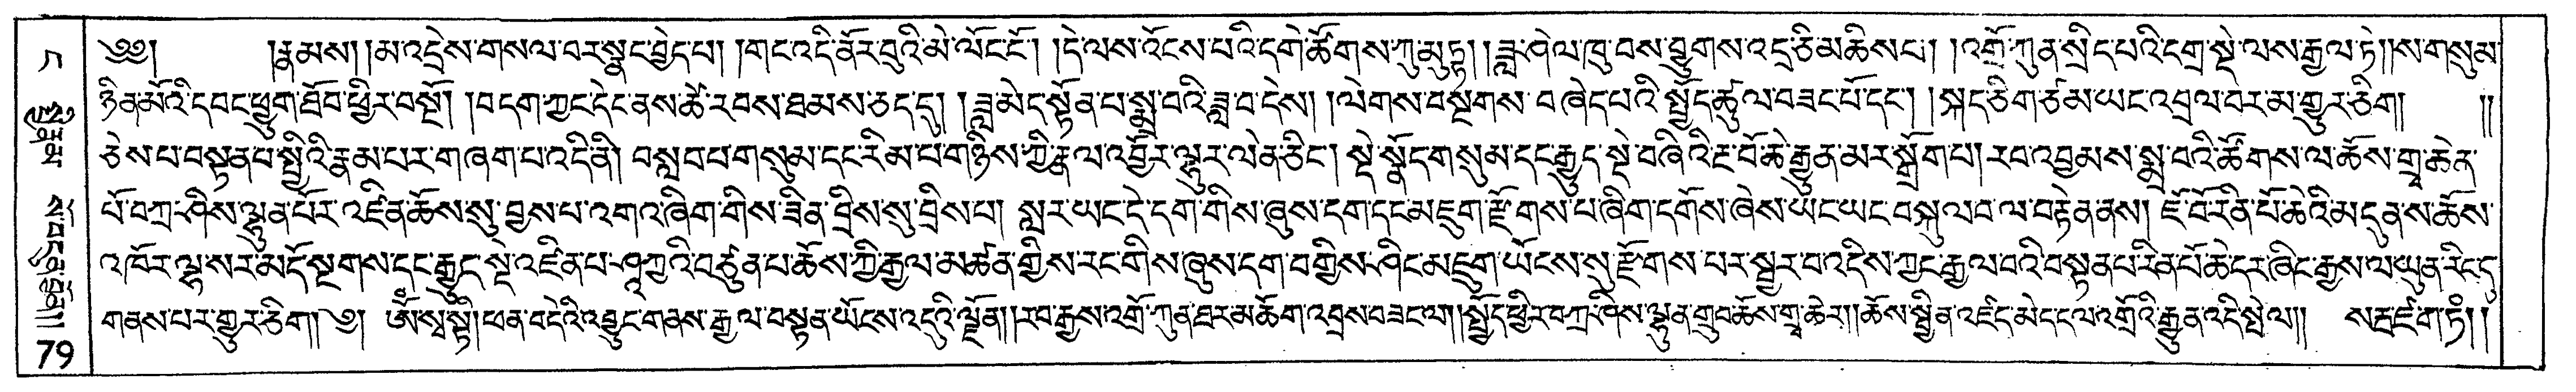༄༅། །རྣམས། །མ་འདྲེས་གསལ་བར་སྣང་བྱེད་པ། །གང་འདི་ནོར་བུའི་མེ་ལོང་ངོ། །དེ་ལས་འོངས་པའི་དགེ་ཚོགས་ཀུ་མུཏྟ། །ཟླ་ཤེལ་ཁུ་བས་བྱུགས་འདྲ་ཅི་མཆིས་པ། །འགྲོ་ཀུན་སྲིད་པའི་དགྲ་སྡེ་ལས་རྒྱལ་ཏེ། །ས་གསུམ་
ཉིན་མོའི་དབང་ཕྱུག་ཐོབ་ཕྱིར་བསྔོ། །བདག་ཀྱང་དེང་ནས་ཚེ་རབས་ཐམས་ཅད་དུ། །ཟླ་མེད་སྟོན་པ་སྨྲ་བའི་ཟླ་བ་དེས། །ལེགས་བསྔགས་བཞེད་པའི་སྤྱོད་ཚུལ་བཟང་པོ་དང་། །སྐད་ཅིག་ཙམ་ཡང་འབྲལ་བར་མ་གྱུར་ཅིག ། །།
ཅེས་པ་བསྟན་པ་སྤྱིའི་རྣམ་པར་གཞག་པ་འདི་ནི། བསླབ་པ་གསུམ་དང་རིམ་པ་གཉིས་ཀྱི་རྣལ་འབྱོར་ལྷུར་ལེན་ཅིང་། སྡེ་སྣོད་གསུམ་དང་རྒྱུད་སྡེ་བཞིའི་རྔ་བོ་ཆེ་རྒྱུན་མར་སྒྲོག་པ། རབ་འབྱམས་སྨྲ་བའི་ཚོགས་ལ་ཆོས་གྲྭ་ཆེན་
པོ་བཀྲ་ཤིས་ལྷུན་པོར་འཛིན་ཆོས་སུ་བྱས་པ་འགའ་ཞིག་གིས་ཟིན་བྲིས་སུ་བྲིས་པ། སླར་ཡང་དེ་དག་གིས་ཞུས་དག་དང་མཇུག་རྫོགས་པ་ཞིག་དགོས་ཞེས་ཡང་ཡང་བསྐུལ་བ་ལ་བརྟེན་ནས། ཇོ་བོ་རིན་པོ་ཆེའི་མདུན་ས་ཆོས་
འཁོར་ལྷ་སར་མདོ་སྔགས་དང་རྒྱུད་སྡེ་འཛིན་པ་ཤཱཀྱའི་བྦྩུན་པ་ཆོས་ཀྱི་རྒྱལ་མཚན་གྱིས་རང་གིས་ཞུས་དག་བགྱིས་ཤིང་མཇུག་ཡོངས་སུ་རྫོགས་པར་སྦྱར་བ་འདིས་ཀྱང་རྒྱལ་བའི་བསྟན་པ་རིན་པོ་ཆེ་དར་ཞིང་རྒྱས་ལ་ཡུན་རིང་དུ་
གནས་པར་གྱུར་ཅིག ། ༄༅། ཨོཾ་སྭ་སྟི། ཕན་བདེའི་འབྱུང་གནས་རྒྱལ་བསྟན་ཡོངས་འདུའི་ལྗོན། །རབ་རྒྱས་འགྲོ་ཀུན་ཐར་མཆོག་འབྲས་བཟང་ལ། །སྤྱོད་ཕྱིར་བཀྲ་ཤིས་ལྷུན་གྲུབ་ཆོས་གྲྭ་ཆེར། །ཆོས་སྦྱིན་འཛད་མེད་དལ་འགྲོའི་རྒྱུན་འདི་སྤེལ།།  སརྦ་ཛ་ག་ཏཾ། །
bp [